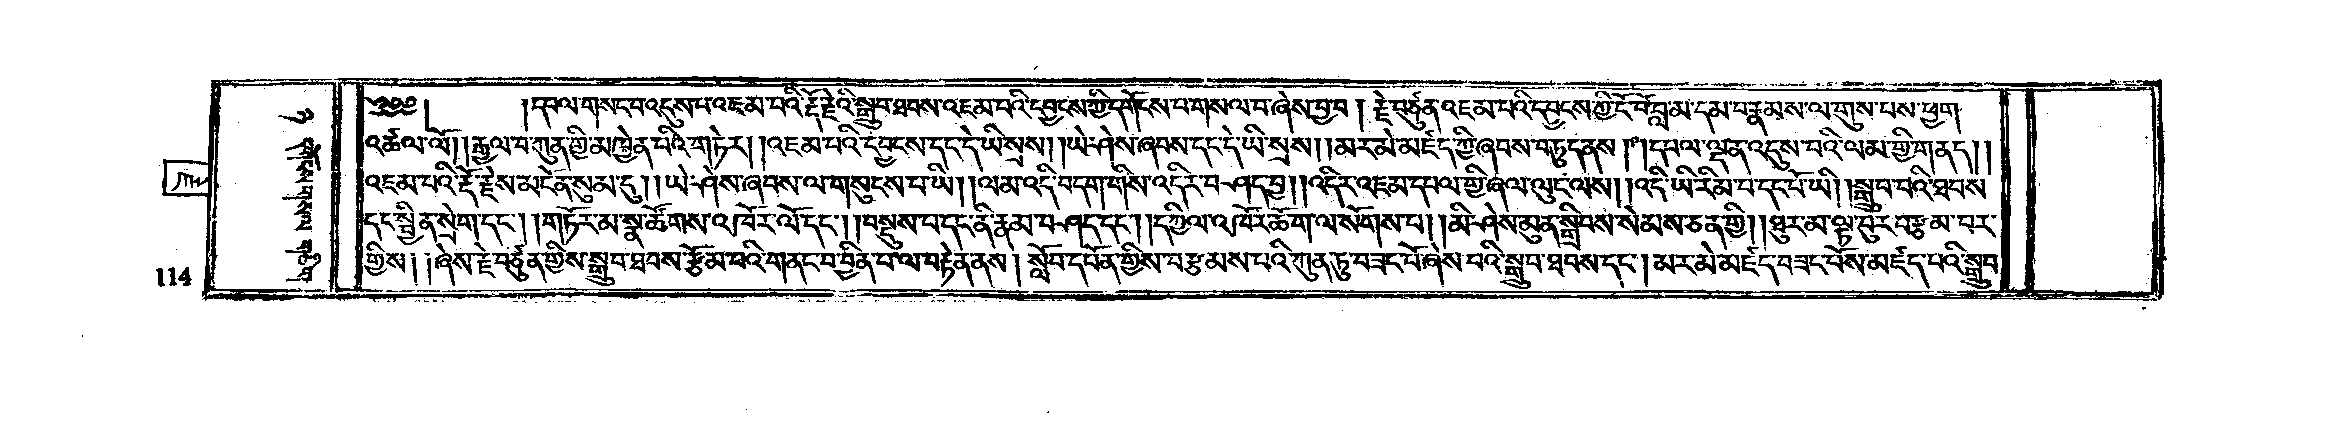༄༅༅། །དཔལ་གསང་བ་འདུས་པ་འཇམ་པའི་རྡོ་རྗེའི་སྒྲུབ་ཐབས་འཇམ་པའི་དབྱངས་ཀྱི་དགོངས་པ་གསལ་བ་ཞེས་བྱ་བ། རྗེ་བཙུན་འཇམ་པའི་དབྱངས་ཀྱི་ངོ་བོ་བླ་མ་དམ་པ་རྣམས་ལ་གུས་པས་ཕྱག་
འཚལ་ལོ། །རྒྱལ་བ་ཀུན་གྱི་མཁྱེན་པའི་གཏེར། །འཇམ་པའི་དབྱངས་དང་དེ་ཡི་སྲས། །ཡེ་ཤེས་ཞབས་དང་དེ་ཡི་སྲས། །མར་མེ་མཛད་ཀྱི་ཞབས་བཏུད་ནས། །དཔལ་ལྡན་འདུས་པའི་ལམ་གྱི་གནད། །
འཇམ་པའི་རྡོ་རྗེས་མངོན་སུམ་དུ། །ཡེ་ཤེས་ཞབས་ལ་གསུངས་པ་ཡི། །ལམ་འདི་བདག་གིས་འདིར་བཤད་བྱ། །འདིར་འཇམ་དཔལ་གྱི་ཞལ་ལུང་ལས། །འདི་ཡི་རིམ་པ་དང་པོ་ཡི། །སྒྲུབ་པའི་ཐབས་
དང་སྦྱིན་སྲེག་དང་། །གཏོར་མ་སྣ་ཚོགས་འཁོར་ལོ་དང་། །བསྡུས་པ་དང་ནི་རྣམ་བཤད་དང་། །དཀྱིལ་འཁོར་ཆོ་ག་ལ་སོགས་པ། །མི་ཤེས་མུན་སྒྲིབས་སེམས་ཅན་གྱི། །ཐུར་མ་ལྟ་བུར་བརྩམ་པར་
གྱིས། །ཞེས་རྗེ་བཙུན་གྱིས་སྒྲུབ་ཐབས་རྩོམ་པའི་གནང་བ་བྱིན་པ་ལ་བརྟེན་ནས། སློབ་དཔོན་གྱིས་བརྩམས་པའི་ཀུན་ཏུ་བཟང་པོ་ཞེས་པའི་སྒྲུབ་ཐབས་དང་། མར་མེ་མཛད་བཟང་པོས་མཛད་པའི་སྒྲུབ་